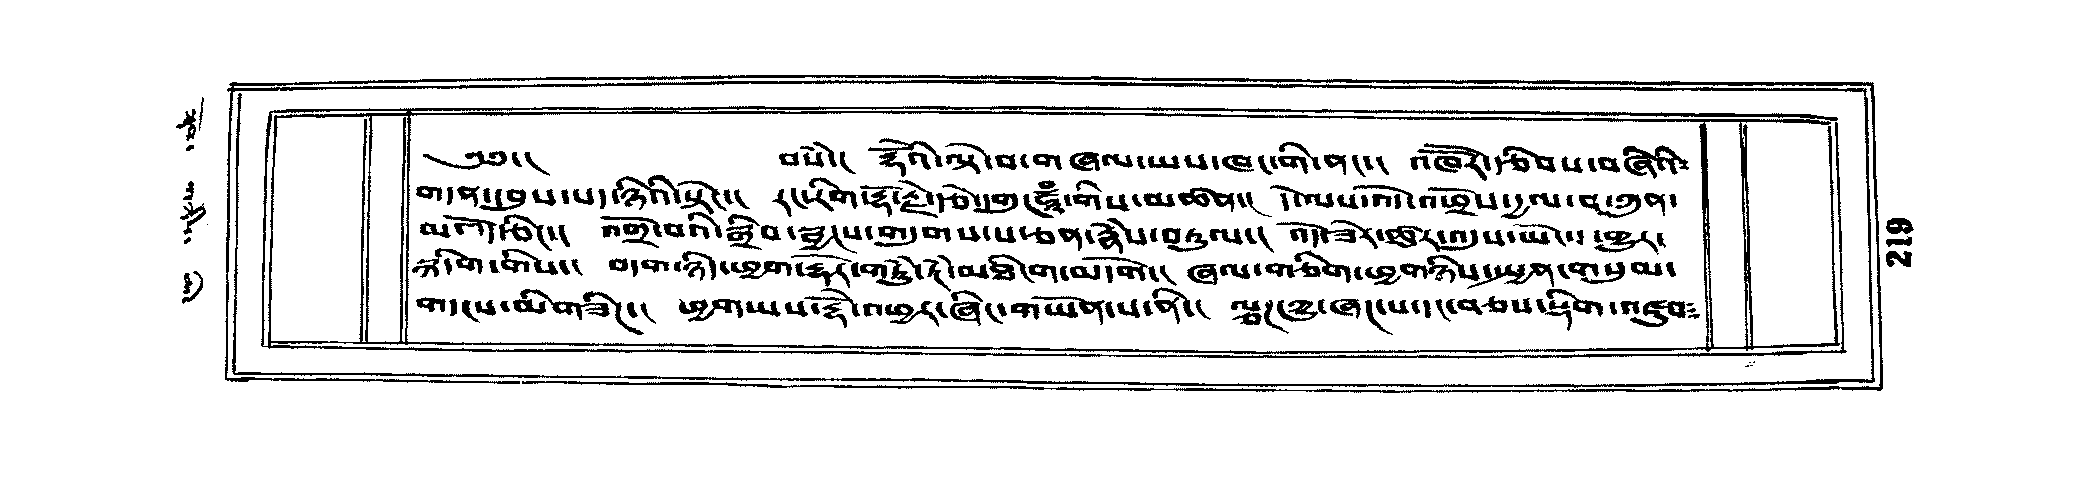བསམ། རྡོ་རྗེའི་ལྟེ་བ་གཞལ་ཡས་ཁང་གི་ནང་། འཁོར་ལོ་རྩིབས་བཞིའི་
གདན་དབུས་པད་ཉིའི་སྟེང་། རང་རིག་རྡོ་རྗེ་རྩེ་དགུ་ཧཱུྃ་གིས་མཚན། དེ་ལས་འོད་འཕྲོས་རྒྱལ་བ་ཀུན་
མཆོད་ཅིང་། འགྲོ་བའི་སྒྲིབ་སྦྱངས་གདུགས་པ་ཅན་རྣམས་བཏུལ། འོད་ཟེར་ཚུལ་འདུས་ཡོངས་གྱུར་
སྐད་ཅིག་གིས། བདག་ཉིད་ཕྱག་རྡོར་གཏུམ་རྔམ་མཐིང་ནག་མདོག ཞལ་གཅིག་ཕྱག་གཉིས་སྤྱན་གསུམ་
གདངས་མི་གཟིགས། ཕྱག་གཡས་རྡོ་རྗེ་འཕྱར་ཞིང་གཡོན་པ་ནི། ལྕགས་ཞགས་པ་དང་བཅས་སྡིག་འཛུབ་